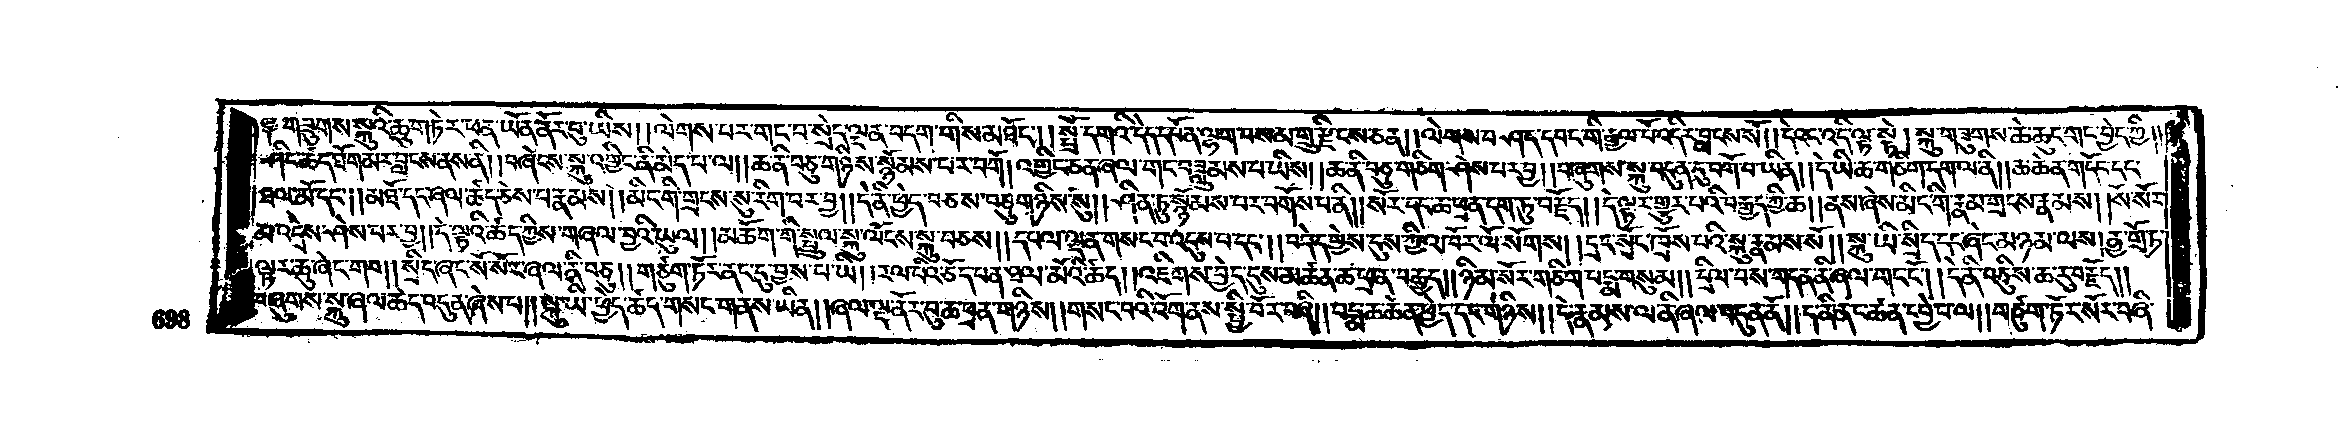༈ གཟུགས་སྐུའི་ཆུ་གཏེར་ཕན་ཡོན་ནོར་བུ་ཡིས། །ལེགས་པར་གང་བ་སྲེད་ལྡན་བདག་གིས་མཐོང་། །སྤྲོ་དགའི་དེད་དཔོན་ལྷག་བསམ་གྲུ་རྫིངས་ཅན། །ལེགས་བཤད་དབང་གི་རྒྱལ་པོ་འདིར་བླངས་སོ། །དེའང་འདི་ལྟ་སྟེ། སྐུ་གཟུགས་ཆེ་ཆུང་གང་བྱེད་ཀྱི། །
ཤིང་ཚད་ཐོག་མར་བླངས་ནས་ནི། །བཞེངས་སྐུ་འགྱིང་ནི་མེད་པ་ལ། །ཆ་ནི་བཅུ་གཉིས་སྙོམས་པར་བགོ །འགྱིང་ཅན་ཞལ་གང་བཟླུམས་པ་ཡིས། །ཆ་ནི་བཅུ་གཅིག་ཤེས་པར་བྱ། །བཞུགས་སྐུ་བདུན་དུ་བགོ་བ་ཡིན། །དེ་ཡི་ཆ་གཅིག་དག་ལ་ནི། །ཆ་ཆེན་གདོང་དང་
ཐལ་མོ་དང་། །མཐོ་དང་ཞལ་ཚད་ཅེས་པ་རྣམས། །མིང་གི་གྲངས་སུ་རིག་པར་བྱ། །དེ་ནི་ཕྱེད་བཅས་བཅུ་གཉིས་སུ། །ཤིན་ཏུ་སྙོམས་པར་བགོས་པ་ནི། །སོར་དང་ཆ་ཕྲན་དག་ཏུ་བརྗོད། །དེ་ལྟར་གྱུར་པའི་བརྒྱད་ཀྱི་ཆ། །ནས་ཞེས་མིང་གི་རྣམ་གྲངས་རྣམས། །སོ་སོར་
མ་འདྲེས་ཤེས་པར་བྱ། །དེ་ལྟའི་ཚད་ཀྱིས་གཞལ་བྱའི་ཡུལ། །མཆོག་གི་སྤྲུལ་སྐུ་ལོངས་སྐུ་བཅས། །དཔལ་ལྡན་གསང་བ་འདུས་པ་དང་། །བདེ་དགྱེས་དུས་ཀྱི་འཁོར་ལོ་སོགས། །དྲང་སྲོང་ཁྲོས་པའི་སྐུ་རྣམས་སོ། །སྐུ་ཡི་སྲིད་དང་ཞེང་མཉམ་ལས། ཉ་གྲོ་ཏ་
ལྟར་ཆུ་ཞེང་གབ། །སྲིད་ཞང་སོ་སོར་ཞལ་ནི་བཅུ། །གཙུག་ཏོར་ནང་དུ་བྱས་པ་ཡི། །རལ་པའི་ཅོད་པན་ཐལ་མོའི་ཚད། །འཇིགས་བྱེད་དུས་མཚན་ཆ་ཕྲན་བརྒྱད། །ཉི་མ་སོར་གཅིག་པདམ་གསུམ། །དྲིལ་བས་གདན་ནི་ཞལ་གང་ངོ། །དེ་ནི་བཅུ་གཉིས་ཆ་རུ་བརྗོད། །
བཞུགས་སྐུ་ཞལ་ཆེད་བདུན་ཞེས་པ། །སྐུ་ཡི་ཕྱེད་ཚད་གསང་གནས་ཡིན། །ཞལ་ལྔ་ནོར་བུ་ཆ་ཕྲན་གཉིས། །གསང་བའི་འོག་ནས་སྤྱི་བོར་བཞི། །པདམ་ཆ་ཆེན་ཕྱེད་དང་གཉིས། །དེ་རྣམས་ལ་ནི་ཞལ་བདུན་ནོ། །དེ་མིན་ང་ཚན་དབྱེ་བ་ལ། །གཙུག་ཏོར་སོར་བཞི་